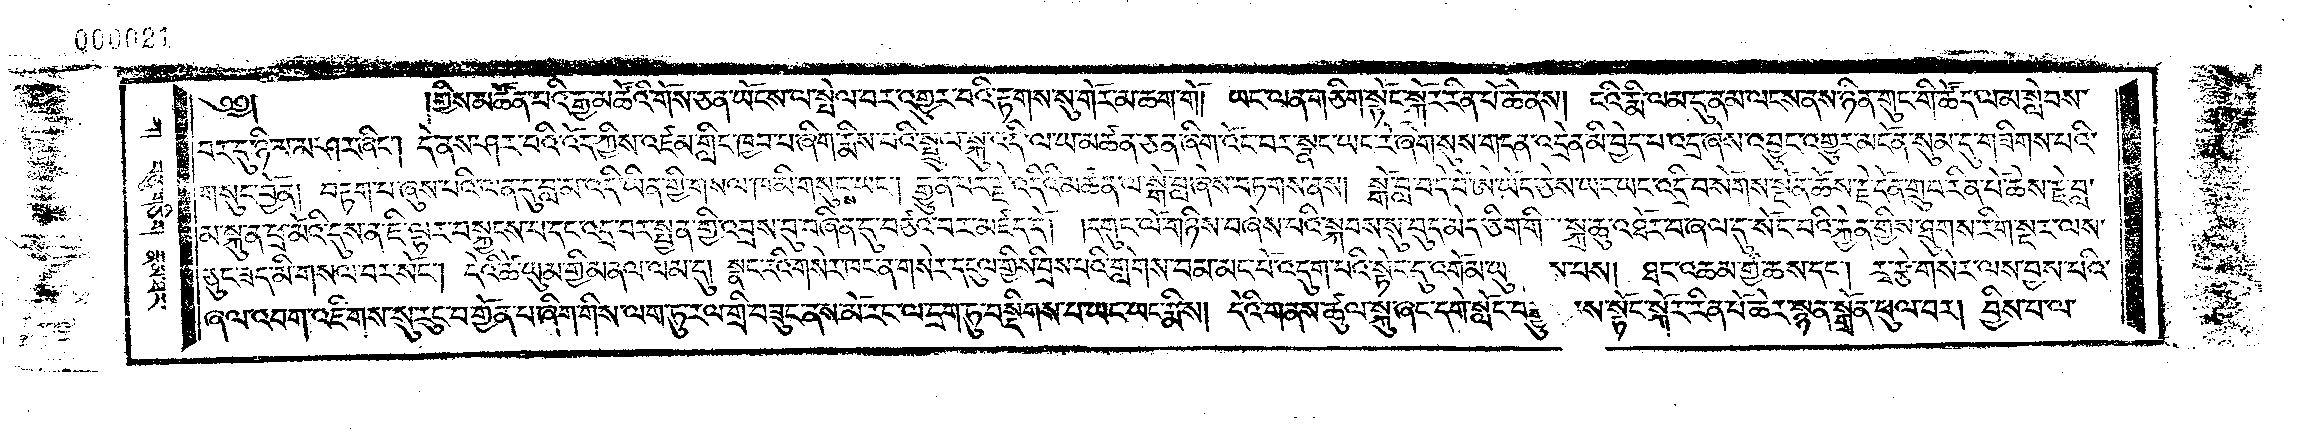༄༅། །གྱིས་མཚོན་པའི་རྒྱ་མཚོའི་གོས་ཅན་ཡོངས་ལ་སྤེལ་བར་འགྱུར་བའི་རྟགས་སུ་གོར་མ་ཆག་གོ། ཡང་ལན་གཅིག་སྟོང་སྐོར་རིན་པོ་ཆེ་ནས། ངའི་རྨི་ལམ་དུ་ནམ་ལངས་ནས་ཉིན་གུང་གི་ཚོད་ལམ་སླེབས་
བར་དུ་ཉི་མ་མ་ཤར་ཞིང་། དེ་ནས་ཤར་བའི་འོད་ཀྱིས་འཛམ་གླིང་ཁྱབ་པ་ཞིག་རྨིས་པའི་སྤྲུལ་སྐུ་འདི་ལ་ཡ་མཚན་ཅན་ཞིག་འོང་བར་སྣང་ཡང་རེ་ཞིག་སུས་གདན་འདྲེན་མི་བྱེད་པ་འདྲ་ཞེས་འབྱུང་འགྱུར་མངོན་སུམ་དུ་གཟིགས་པའི་
གསུང་བྱོན། བརྟག་པ་ཞུས་པའི་ལན་དུ་བླ་མ་འདི་ཡིན་གྱི་གསལ་ཁ་མི་གསུངས་ཡང་། རྒྱུན་པར་རྗེ་འདིའི་མཚན་ལ་སྒོ་བླ་ཞེས་བཏགས་ནས། སྒོ་བླ་བདེ་བོ་ཨེ་ཡོད་ཅེས་ཡང་ཡང་འདྲི་བ་སོགས་སྔོན་ཆོས་རྗེ་དོན་གྲུབ་རིན་པོ་ཆེས་རྗེ་བླ་
མ་སྐུ་ན་ཕྲ་མོའི་དུས་ན་ཇི་ལྟར་བསྐྱངས་པ་དང་འདྲ་བར་སྤྱན་གྱི་འབྲས་བུ་བཞིན་དུ་བཙའ་བར་མཛད་དོ། །དགུང་ལོ་གཉིས་བཞེས་པའི་སྐབས་སུ་བུད་མེད་ཅིག་གི་སྐྲ་ཆུ་འཐོར་བ་ཞལ་དུ་སོང་བའི་རྐྱེན་གྱིས་ཐུགས་རིག་སྔར་ལས་
ཅུང་ཟད་མི་གསལ་བར་སོང་། དེའི་ཚེ་ཡུམ་གྱི་མནལ་ལམ་དུ། སྣང་རའི་གསེར་ཁང་ན་གསེར་དངུལ་གྱིས་བྲིས་པའི་གླེགས་བམ་མང་པོ་འདུག་པའི་སྟེང་དུ་འགོམ་ཡུག་བྱས་པས། ཐང་འཆམ་གྱི་ཆས་དང་། རྭ་རྩེ་གསེར་ལས་བྱས་པའི་
ཞལ་འབག་འཇིགས་སུ་རུང་བ་གྱོན་པ་ཞིག་གིས་ལག་ཏུ་རལ་གྲི་བཟུང་ནས་མོ་རང་ལ་དྲག་ཏུ་བསྡིགས་པ་ཡང་ཡང་རྨིས། དེའི་གནས་ཚུལ་སྐུ་ཞང་དགེ་སློང་བརྒྱུད་ནས་སྟོང་སྐོར་རིན་པོ་ཆེར་སྙན་སྒྲོན་ཕུལ་བར། བྱིས་པ་ལ་